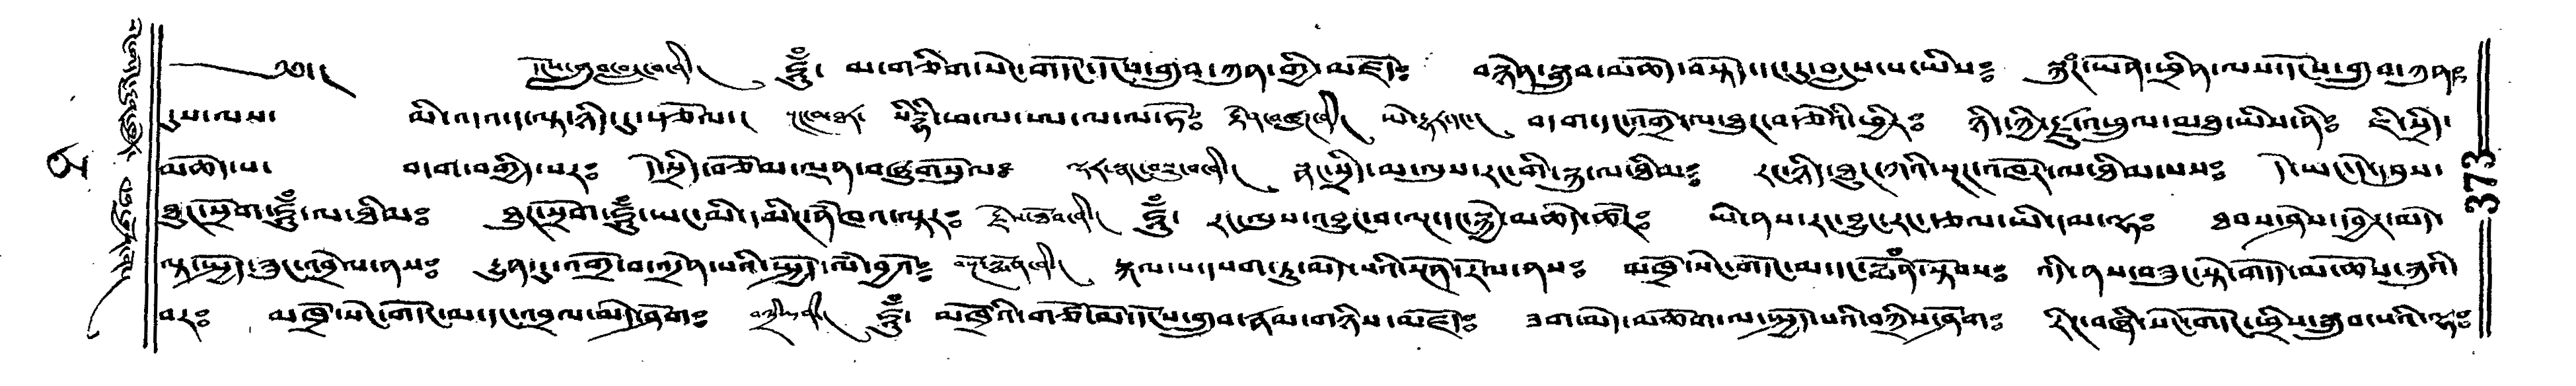དངོས་གྲུབ་བླང་བ་ནི། ཧཱུྃ༔ མ་གཅིག་སེང་གདོང་དངོས་གྲུབ་ཀུན་གྱི་མཛོད༔ སྙེན་སྒྲུབ་མཆོད་བསྟོད་དང་དུ་བླངས་པ་ཡིས༔ སྐུ་གསུང་ཐུགས་ཡོན་ཕྲིན་ལས་དངོས་གྲུབ་ཀུན༔ 
དུས་ལས་ མི་འདའ་ད་ལྟ་ཉིད་དུ་སྩོལ།སྔགས་མཐར། སིདྡྷི་ཕ་ལ་ཨ་ལ་ལ་ཧོ༔ རྟེན་བཞུགས་ནི། ཡེ་དྷར་དང། བདག་དང་འགྲོ་ལ་ཐུགས་བརྩེའི་ཕྱིར༔ ཉིད་ཀྱི་རྫུ་འཕྲུལ་མཐུ་ཡིས་ནི༔ ཇི་སྲིད་
མཆོད་པ་ བདག་བགྱིད་པར༔ དེ་སྲིད་བཅོམ་ལྡན་བཞུགས་སུ་གསོལ༔ ལྷར་སྣང་བསྡུ་བ་ནི། སྣང་སྲིད་མ་ལུས་རང་གི་སྐུ་ལ་ཐིམ༔ རང་ཉིད་ཐུགས་ཀའི་སྔགས་འཁོར་ལ་ཐིམ་པས༔ དེ་ཡང་དེ་དབུས་
ཐུགས་སྲོག་ཧཱུྃ་ལ་ཐིམ༔ ཐུགས་སྲོག་ཧཱུྃ་ཡང་མི་དམིགས་ནམ་མཁའ་ལྟར༔ རྗེས་ཐོབ་ནི། ཧཱུྃ༔ རང་ལུས་འབྱུང་བ་ལྔ་དང་སྐྱེ་མཆེད་ཚོགས༔ ཡེ་ནས་རང་བྱུང་རང་རྩལ་ཡི་དམ་ལྷ༔ ཐབས་ཤེས་དབྱེར་མེད་
ལྟ་སྤྱོད་ཟུང་འབྲེལ་ནས༔ རྒྱུན་དུ་འགྲོ་བ་འདྲེན་པའི་སྤྱོད་ལམ་བྱའོ༔ བསྔོ་སྨོན་ནི། སྐལ་པ་དཔག་ཏུ་མེད་པའི་སྔོན་རོལ་ནས༔ མཁའ་འགྲོ་སེང་གདོང་མ་དང་སྨོན་ལམ་སྟོབས༔ འདི་ནས་བཟུང་སྟེ་གདོད་མ་ཆོས་སྐུའི་
བར༔ མཁའ་འགྲོ་སེང་གདོང་མ་དང་འབྲལ་མེད་ཤོག༔ བཀྲ་ཤིས་ནི། ཧཱུྃ༔ མཁའ་འགྲོའི་གཙོ་མོ་དངོས་གྲུབ་རྣམ་གཉིས་མཛོད༔ ཟག་མེད་མཆོག་ལ་སྤྱོད་པའི་བཀྲ་ཤིས་ཤོག༔ རིགས་བཞིའི་སེང་གདོང་ཕྲིན་ལས་སྒྲུབ་པའི་ལྷ༔